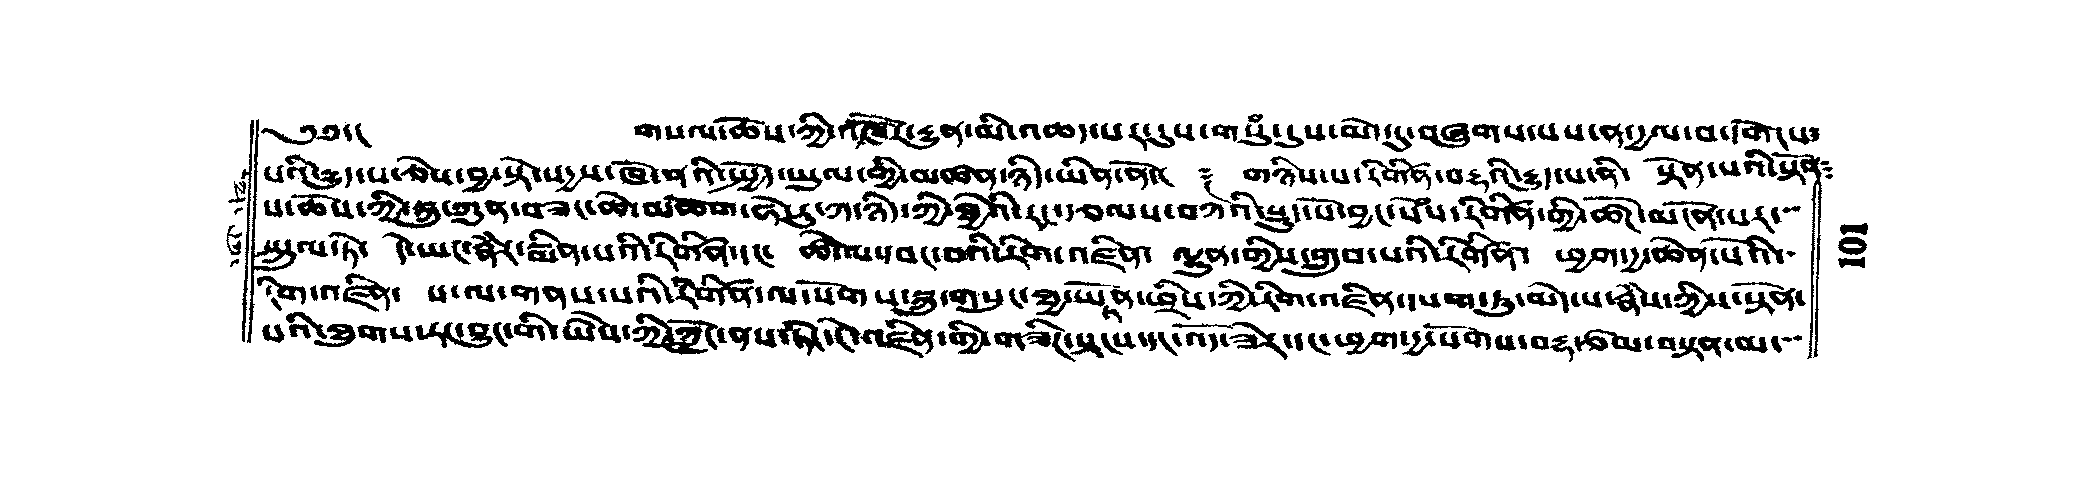གསལ་ཆོས་ཀྱི་འཁོར་ལོ་རྒྱུན་མི་འཆད་པར་དུས་གསུམ་དུས་མེད་དུ་བཞུགས་པས་ན་རྒྱལ་བ་དགོངས་
པའི་རྒྱུད་པ་ཅེས་བྱས་སྟེ་སངས་རྒྱས་ཁོ་ནའི་སྤྱོད་ཡུལ་གྱི་མཚན་ཉིད་ཡིན་ནོ། ༈ གཉིས་པ་རིག་འཛིན་བརྡའི་རྒྱུད་པ་ནི། སྟོན་པའི་སྟོན་
པ་ཆོས་ཀྱི་སྐུན་ཀུན་བཟང་ཆེ་མཆོག་ཧེ་རུ་ཀ་ཉིད་ཀྱི་ཐུགས་རྗེའི་རང་རྩལ་ལས་བཀའི་སྡུད་པ་བྱང་སེམས་རིག་འཛིན་གྱི་ཚོགས་མངོན་པར་
སྤྲུལ་ཏེ། དེ་ཡང་རྣམ་པར་སྨིན་པའི་རིག་འཛིན་དང་། ཚེ་ལ་དབང་བའི་རིག་འཛིན། ལྷུན་གྱིས་གྲུབ་པའི་རིག་འཛིན། ཕྱག་རྒྱ་ཆེན་པོའི་
རིག་འཛིན། ས་ལ་གནས་པའི་རིག་འཛིན་ལ་སོགས་སྐུ་གསུང་ཐུགས་ཡོན་ཏན་ཕྲིན་ལས་ཀྱི་རིག་འཛིན་དཔག་ཏུ་མེད་པ་རྣམས་ཀྱི་ཡོན་ཏན་
པའི་ཐུགས་རང་བྱུང་གི་ཡེ་ཤེས་ཀྱི་ཀློང་ནས་ཏིང་ངེ་འཛིན་གྱི་གཟིགས་སྟངས་དང་འོད་ཟེར་དང་ཕྱག་རྒྱ་སོགས་བརྡ་ཙམ་བསྟན་མ་